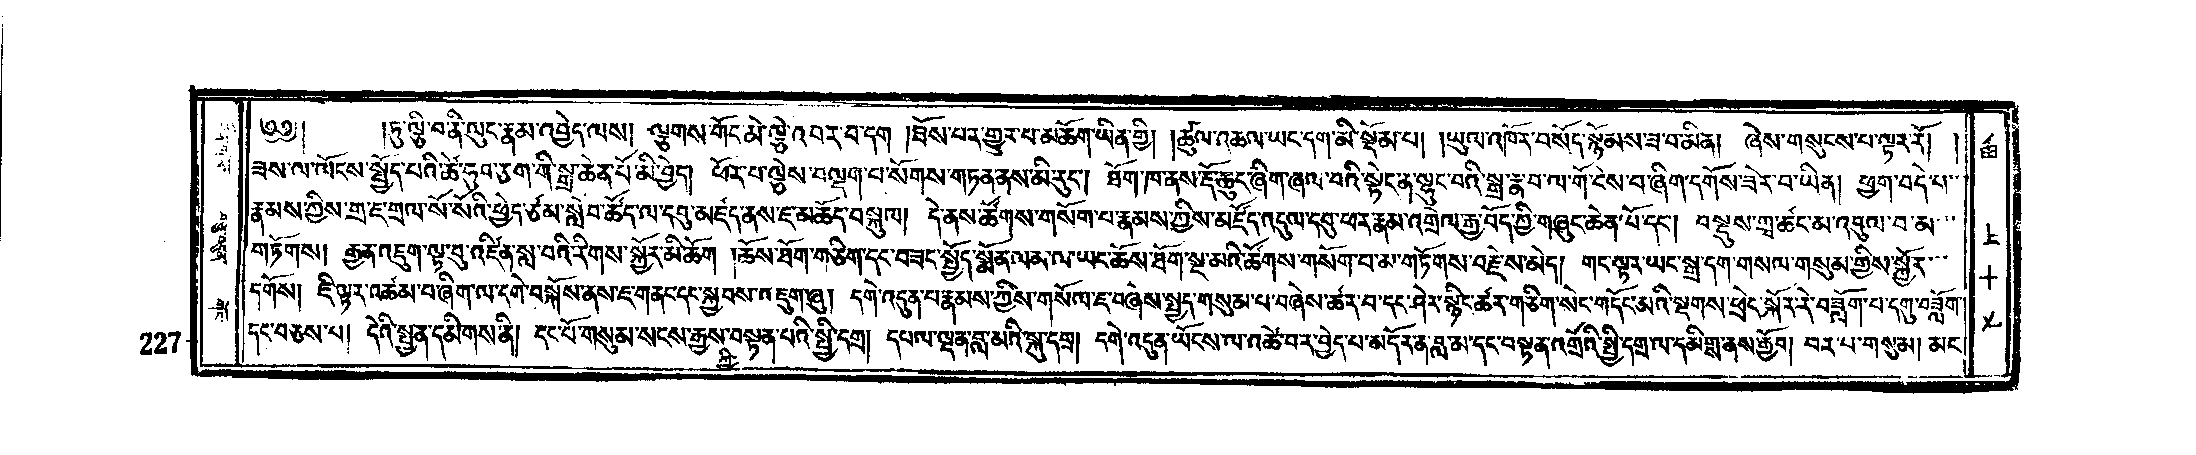༄༅། །ཏུ་ལྕི་བ་ནི་ལུང་རྣམ་འབྱེད་ལས། ལྕགས་གོང་མེ་ལྕེ་འབར་བ་དག །ཐོས་པར་གྱུར་པ་མཆོག་ཡིན་གྱི། །ཚུལ་འཆལ་ཡང་དག་མི་སྡོམ་པ། །ཡུལ་འཁོར་བསོད་སྙོམས་ཟ་བ་མིན། ཞེས་གསུངས་པ་ལྟར་རོ། །
ཟས་ལ་ལོངས་སྤྱོད་པའི་ཚེ་ཧུབ་ཅག་གི་སྒྲ་ཆེན་པོ་མི་བྱེད། ཕོར་པ་ལྕེས་བལྡག་པ་སོགས་གཏན་ནས་མི་རུང་། ཐོག་ཁ་ནས་རྡོ་ཆུང་ཞིག་ཞལ་བའི་སྟེང་ན་ལྷུང་བའི་སྒྲ་རྣ་བ་ལ་གོ་ངེས་པ་ཞིག་དགོས་ཟེར་བ་ཡིན། ཕྱག་བདེ་པ་
རྣམས་ཀྱིས་གྲ་ཇ་གྲལ་སོ་སོའི་ཕྱེད་ཙམ་སླེབ་ཚོད་ལ་དབུ་མཛད་ནས་ཇ་མཆོད་བསྐུལ། དེ་ནས་ཚོགས་གསོག་པ་རྣམས་ཀྱིས་མཛོད་འདུལ་དབུ་ཕར་རྣམ་འགྲེལ་རྒྱ་བོད་ཀྱི་གཞུང་ཆེན་པོ་དང་། བསྡུས་གྲྭ་ཚང་མ་འབུལ་བ་མ་
གཏོགས། རྒྱན་འཇུག་ལྟ་བུ་འཛིན་སླ་བའི་རིགས་སྐྱོར་མི་ཆོག །ཆོས་ཐོག་གཅིག་དང་བཟང་སྤྱོད་སྨོན་ལམ་ལ་ཡང་ཆོས་ཐོག་སྔ་མའི་ཚོགས་གསོག་པ་མ་གཏོགས་བརྗེ་ས་མེད། གང་ལྟར་ཡང་སྒྲ་དག་གསལ་གསུམ་གྱིས་སྐྱོར་
དགོས། ཇི་ལྟར་འཚམ་པ་ཞིག་ལ་དགེ་བསྐོས་ནས་ཇ་གནང་དང་སྐྱབས་འཇུག་ཞུ། དགེ་འདུན་པ་རྣམས་ཀྱིས་གསོལ་ཇ་བཞེས་སྤྱད་གསུམ་པ་བཞེས་ཚར་བ་དང་ཤེར་སྙིང་ཚར་གཅིག་སེང་གདོང་མའི་སྔགས་ཕྲེང་སྐོར་རེ་བཟློག་པ་དགུ་བཟློག་
དང་བཅས་པ། དེའི་སྤྱན་དམིགས་ནི། དང་པོ་གསུམ་སངས་རྒྱས་ཀྱི་བསྟན་པའི་སྤྱི་དགྲ། དཔལ་ལྡན་བླ་མའི་སྐུ་དགྲ། དགེ་འདུན་ཡོངས་ལ་འཚེ་བར་བྱེད་པ་མདོར་ན་བླ་མ་དང་བསྟན་འགྲོའི་སྤྱི་དགྲ་ལ་དམིགས་ནས་རྒྱོབ། བར་པ་གསུམ། མང་